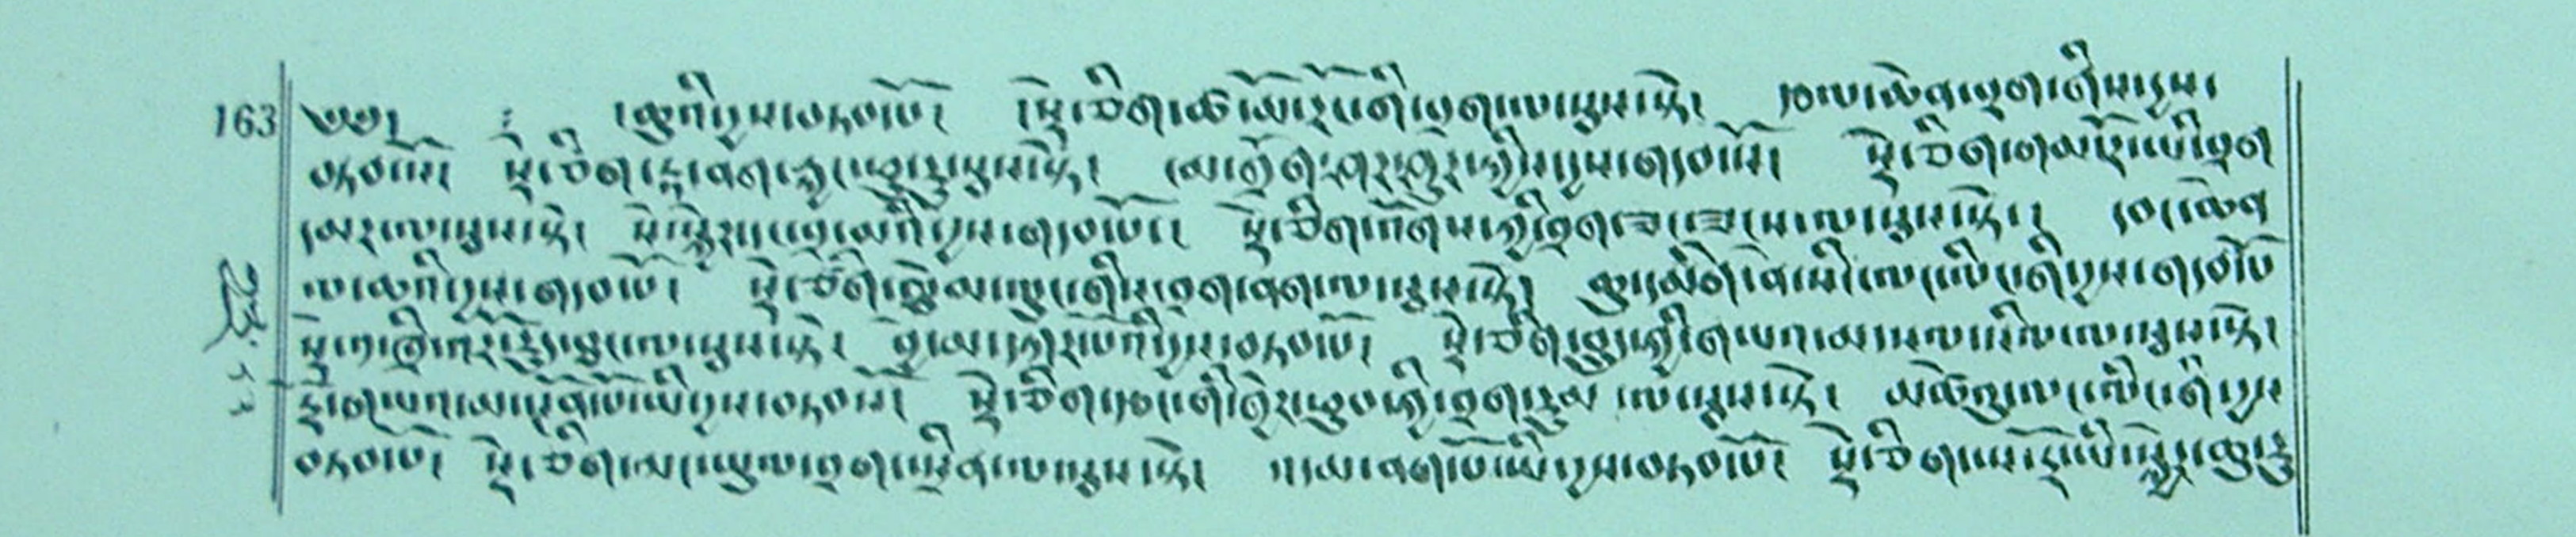༄༅། །ཆུ་ཡིས་རྒྱས་བཏབ་བོ། །སྡེ་གཅིག་ཚ་མོ་རོང་གི་བྲག་ལ་སྦས་ཏེ། རྩལ་ཆེན་བྲག་གིས་རྒྱས་
བཏབ་བོ། །སྡེ་གཅིག་རྟ་ནག་རྐྱང་ཕུ་རུ་སྦས་ཏེ། ངམ་གྲོག་ཤར་ཤུར་གྱི་རྒྱས་བཏབ་བོ། །སྡེ་གཅིག་གམ་རོ་ཡི་བྲག་
དམར་ལ་སྦས་ཏེ། སེ་སྐྱེར་དང་བྲ་མའི་རྒྱས་བཏབ་བོ། །སྡེ་གཅིག་འོགས་ཀྱི་་བྲག་ཟང་ཟང་ལ་སྦས་ཏེ། དབང་ཆེན་
ལ་ཆའི་རྒྱས་བཏབ་བོ། །སྡེ་གཅིག་ལྕེམ་ལུང་གི་བྲག་ནག་ལ་སྦས་ཏེ། ཆུ་དམིག་ནེའུ་སིང་ལང་ལིང་གིས་རྒྱས་བཏབ་བོ། 
།སྡེ་གཅིག་ཁྲི་འཁོར་རུད་ཐང་ལ་སྦས་ཏེ། བྱེ་མ་དཀར་པོས་རྒྱས་བཏབ་བོ། །སྡེ་གཅིག་བྲུད་ཀྱི་གཡའ་མ་སལ་སིལ་ལ་སྦས་ཏེ། 
རྡོ་གཡའ་མ་སྔོན་པོ་ཡིས་རྒྱས་བཏབས་སོ། །སྡེ་གཅིག་རྩང་གི་གྱེར་ཕུབ་ཀྱི་བྲག་རུམ་ལ་སྦས་ཏེ། མཚེའུ་ལང་ལིང་གིས་རྒྱས་
བཏབ་བོ། །སྡེ་གཅིག་མང་ཡུལ་བྲག་སྤྲིན་ལ་སྦས་ཏེ། འདམ་ནག་པོ་ཡིས་རྒྱས་བཏབ་བོ། །སྡེ་གཅིག་སྤ་དྲོའི་སྐྱེར་ཆུ་རུ་